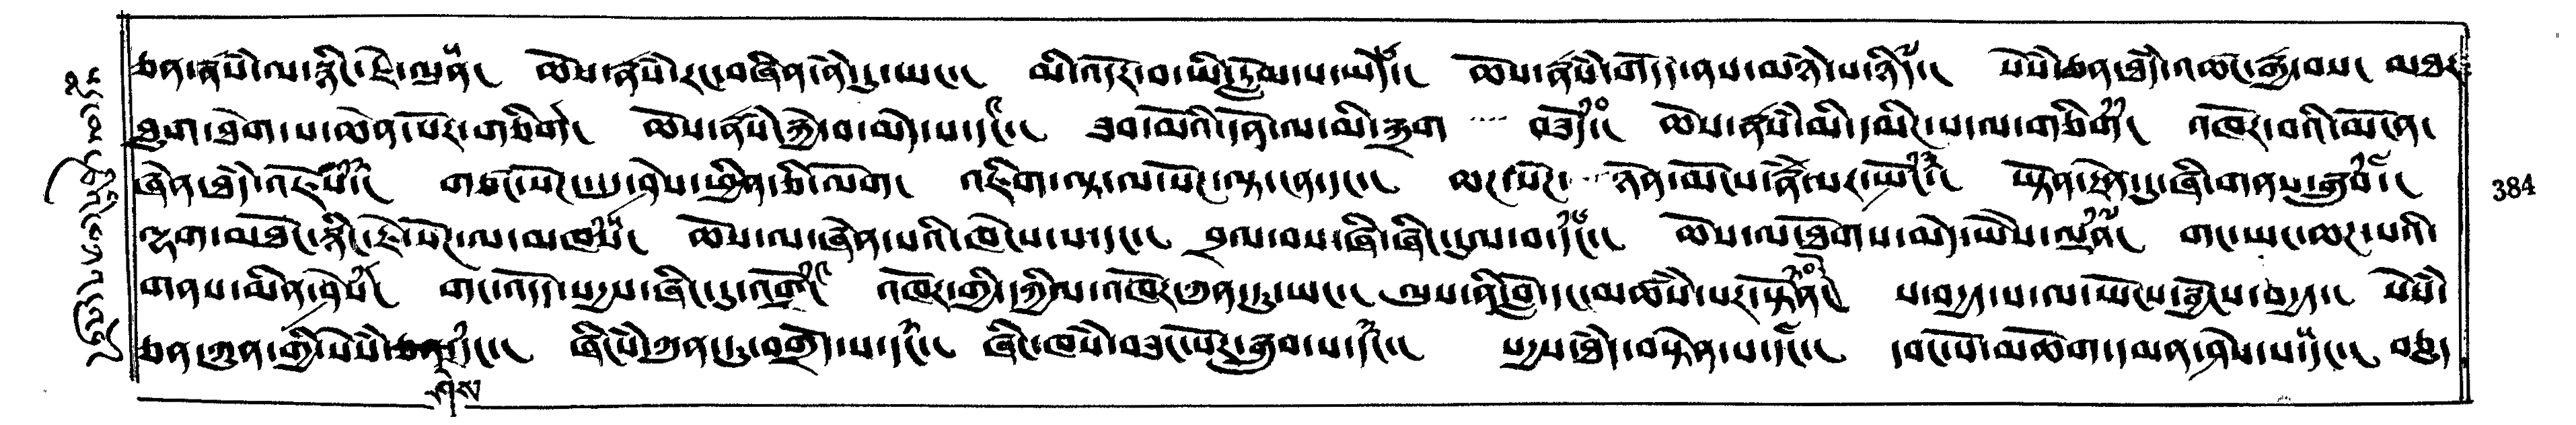ཅན་རྣམས་ལ་སྙིང་རྗེ་ལྡན། །ཆོས་རྣམས་རང་བཞིན་ནམ་དུ་ཡང་། །མི་འདོར་བ་ཡི་རློམ་པ་མེད། །ཆོས་རྣམས་གདོད་ནས་མཉམ་པ་ཉིད། །སེམས་ཅན་ཐམས་ཅད་འཚང་རྒྱ་བས། །མཐར་
ཐུག་ཐེག་པ་ཆེན་པོར་གཅིག །ཆོས་རྣམས་སྐྱེ་བ་མེད་པ་དང་། །ཟབ་མོའི་དོན་ལ་མི་སྐྲག་བཟོད། །ཆོས་རྣམས་མི་དམིགས་པ་ལ་གཅིག །འཁོར་བའི་མངོན་
ཞེན་ཐམས་ཅད་འཇོམས། །གཙང་སོགས་འདུ་ཤེས་ཕྱིན་ཅི་ལོག །འཇིག་ལྟ་ལ་སོགས་ལྟ་ངན་དང་། །ཆགས་སོགས་ཉོན་མོངས་རྣམ་པར་སྤོང་། །ཡོན་ཏན་རྟེན་དུ་ཞི་གནས་སྒྲུབ། །
ལྷག་མཐོང་སྙིང་རྗེ་སོགས་ལ་མཁས། །ཆོས་ལ་ཞེན་པའི་ཁེངས་པ་དང་། །བྲལ་བས་ཞི་ཞིང་དུལ་བ་དང་། །ཆོས་ལ་ཐོགས་མེད་ཡེ་ཤེས་ལྡན། །གང་ཡང་ཆགས་པའི་
གནས་མིན་ཤེས། །གང་འདོད་སངས་རྒྱས་ཞིང་དུ་འགྲོ། །འཁོར་གྱི་དཀྱིལ་འཁོར་ཀུན་ཏུ་ཡང་། །ལུས་ནི་བློ་དང་འཚམ་པར་སྟོན། །ས་བརྒྱད་པ་ལ་ཡོངས་སྦྱོང་བརྒྱད། །སེམས་
ཅན་ཀུན་ཀྱི་སེམས་ཤེས་དང་། །ཞིང་ཁམས་ཀུན་ཏུ་བགྲོད་པ་དང་། །ཞིང་ཁམས་བཟང་པོར་སྒྲུབ་པ་དང་། །སངས་རྒྱས་ཐམས་ཅད་བསྟེན་པ་དང་། །དབང་པོ་མཆོག་དམན་ཤེས་པ་དང་། །བཅུད་